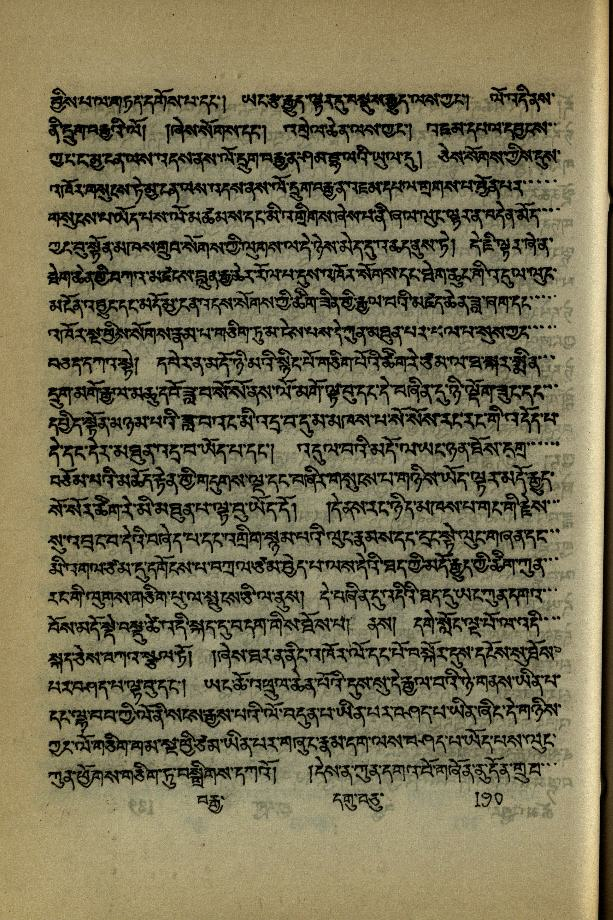བྱིས་པ་ལ་གཏད་དགོས་པ་དང་། ཡང་རྩ་རྒྱུད་ལྟར་དུ་བསྡུས་རྒྱུད་ལས་ཀྱང་། ལོ་འདི་ནས་
ནི་དྲུག་བརྒྱའི་ལོ། །ཞེས་སོགས་དང་། འགྲེལ་ཆེན་ལས་ཀྱང་། འཇམ་དཔལ་དབྱངས་
ཀྱང་ང་མྱ་ངན་ལས་འདས་ནས་ལོ་དྲུག་བརྒྱ་ན་ཤམ་བྷ་ལའི་ཡུལ་དུ། ཅེས་སོགས་ཀྱིས་དུས་
འཁོར་གསུངས་ཏེ་མྱ་ངན་ལས་འདས་ནས་ལོ་དྲུག་བརྒྱན་འཇམ་དཔལ་གྲགས་པ་བྱོན་པར་
གསུངས་པ་ཡོད་པས་ལོ་མཚམས་དང་མི་འགྲིགས་ཞེས་པ་ནི་ཞལ་ལུང་ལྟར་ན་བདེན་མོད་
ཀྱང་བུ་སྟོན་མཁས་གྲུབ་སོགས་ཀྱི་ལུགས་ལ་དེ་ཉེས་མེད་དུ་འཆད་ནུས་ཏེ། དེ་ཇི་ལྟར་ཞེ་ན་
ཐེག་ཆེན་གྱི་བཀའ་མཛངས་བླུན་རྒྱ་ཆེར་རོལ་པ་དུས་འཁོར་སོགས་དང་ཐེག་ཆུང་གི་འདུལ་ལུང་
མངོན་འབྱུང་དང་མདོ་མྱ་ངན་འདས་སོགས་ཀྱི་ཚིག་ཟིན་གྱི་རྒྱལ་བའི་མཛད་ཆེན་ཟླ་ཞག་དང་
འཁོར་སྔ་ཕྱིས་སོགས་རྣམ་པ་གཅིག་ཏུ་མ་ངེས་པས་དེ་ཀུན་མཐུན་པར་ཕལ་པ་སུས་ཀྱང་
བཅད་དཀའ་སྟེ། དཔེར་ན་མདོ་ཉི་མའི་སྙིང་པོ་གཅིག་པོའི་ཚིག་རེ་ཙམ་ལ་ཐ་སྐར་སྨིན་
དྲུག་མགོ་རྒྱལ་མཆུ་དབོ་ཟླ་བ་སོ་སོ་ནས་ལོ་མགོ་ལྟ་བུ་དང་དེ་བཞིན་དུ་ཉི་ལྡོག་ཟུང་དང་
དབྱིད་སྟོན་མཉམ་པའི་ཟླ་བའང་མི་འདྲ་བ་དུ་མ་མཁས་པ་སོ་སོས་རང་རང་གི་འདོད་པ་
དེ་དང་དེར་མཐུན་འདྲ་བ་ཡོད་པ་དང་། འདུལ་བའི་མདོ་ལ་ཡང་ཉན་ཐོས་དགྲ་
བཅོམ་པའི་མཆོད་རྟེན་གྱི་གདུགས་ལྔ་དང་བཞིར་གསུངས་པ་གཉིས་ཡོད་ལྟར་མདོ་རྒྱུད་
སོ་སོར་ཚིག་རེ་མི་མཐུན་པ་ལྟ་བུ་ཡོད་དོ། །དེ་ནས་རང་ཉིད་མཁས་པ་གང་གི་རྗེས་
སུ་འབྲང་བ་དེའི་བཞེད་པ་དང་འགྲིག་སྙམ་པའི་ལུང་རྣམས་དང་དྲང་སྟེ་ལུང་གཞན་དང་
མི་འགལ་ཙམ་དུ་དགོངས་པ་བཀྲལ་ཙམ་བྱེད་པ་ལས་དེའི་ཐད་ཀྱི་མདོ་རྒྱུད་ཀྱི་ཚིག་ཀུན་
རང་གི་ལུགས་གཅིག་པུ་ལ་སྤུངས་ཅི་ལ་ནུས། དེ་བཞིན་དུ་འདིའི་ཐད་དུ་ཡང་ཀུན་དགའ་
བོས་མདོ་སྡེ་བསྡུ་ཚེ་འདི་སྐད་དུ་བདག་གིས་ཐོས་པ། ནས། དགེ་སློང་ལྔ་པོ་ལ་འདི་
སྐད་ཅེས་བཀའ་སྩལ་ཏོ། །ཞེས་ཐར་ན་ནིང་འཁོར་ལོ་དང་པོ་བསྐོར་དུས་དངོས་སུ་ཐོས་
པར་བཤད་པ་ལྟ་བུ་དང་། ཡང་ཆོ་འཕྲུལ་ཆེན་པོའི་དུས་སུ་དེ་རྒྱལ་བའི་ཉེ་གནས་ཡིན་པ་
དང་ལྷ་བབ་ཀྱི་ལོ་ནི་སངས་རྒྱས་པའི་ལོ་བདུན་པ་ཡིན་པར་བཤད་པ་ཡིན་ཞིང་དེ་གཉིས་
ཀྱང་ལོ་གཅིག་གམ་སྔ་ཕྱི་ཙམ་ཡིན་པར་གཞུང་རྣམ་དག་ལས་བཤད་པ་ཡོད་པས་ལུང་
ཀུན་ཕྱོགས་གཅིག་ཏུ་བསྒྲིགས་དཀའོ། །དེས་ན་ཀུན་དགའ་བོ་གཞོན་ནུ་དོན་གྲུབ་